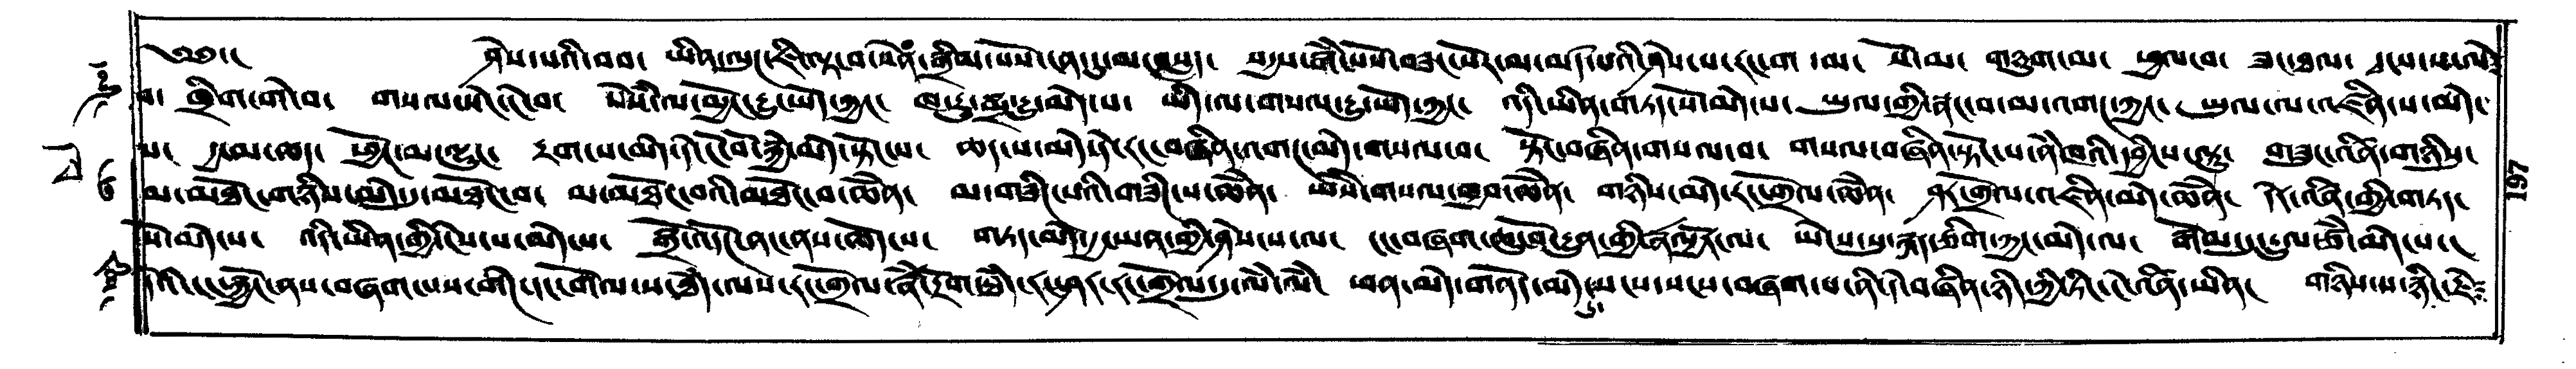ཤེས་པའི་བབ། ཡིན་ལུགས་ཇི་ལྟ་བ་སེམས་ཅན་སྒྲིམ་པོས་ངན་དུ་མ་བསླད།སངས་རྒྱས་སྒམ་པོས་བཟང་པོར་མ་མཛད་པའི་ཤེས་པ་རང་ག་མ། སོ་མ། གཉུག་མ། ཕྱལ་བ། ཟང་ཐལ། དྭངས་ས་ལེ་
བ། ཁྲིག་གེ་བ། གསལ་སེང་ངེ་བ། སེམས་ལ་མྱོང་རྒྱུ་ཡོད་ཀྱང་། ཁ་རུ་སྨྲ་རྒྱུ་མེད་པ། ཡིད་ལ་གསལ་རྒྱུ་ཡོད་ཀྱང་། འདི་ཡིན་གཏད་སོ་མེད་པ། ཡུལ་གྱི་སྣང་བ་མ་འགགས་ཀྱང་། ཡུལ་ལ་འཛིན་པ་མེད་
པ། རྒྱ་མ་ཆད། ཕྱོགས་མ་ལྷུང་། རྟག་པ་མེད་དེ་ངོ་བོ་སྐྱེ་མེད་སྟོང་པ། ཆད་པ་མེད་དེ་རང་བཞིན་འགགས་མེད་གསལ་བ། སྟོང་བཞིན་གསལ་བ། གསལ་བཞིན་སྟོང་པ་ནམ་མཁའི་དབྱིངས་ལྟ་བུ། གཟུང་འཛིན་གཉིས་སུ་
མ་མཐོང་གཉིས་མེད་དུ་མཐོང་བ། མ་མཐོང་བའི་མཐོང་བ་ཆེན་པོ། གཏད་མེད་རྒྱ་ཡན་གྱི་ཤེས་པ་ངང་བཞག་ཆུ་བོ་རྒྱུན་གྱི་རྣལ་འབྱོར་ལ། ཡེངས་སུ་སྐད་ཅིག་ཀྱང་མེད་ལ་སྒོམ་དུ་རྡུལ་ཙམ་མེད་པ། 
དེའི་ངང་སྐྱངས་ནས་བཞག་པས་གེགས་དང་གོལ་ས་ཐམས་ཅད་ལས་རང་གྲོལ། རྣམ་རྟོག་ཐམས་ཅད་རང་ཤར་རང་གྲོལ་དུ་ལམ་ལམ། ཕན་མེད་གནོད་མེད་དུ་སངས་སངས་བཞག་པ་ནི་དེ་བཞིན་ཉིད་ཀྱི་ཏིང་ངེ་འཛིན་ཡིན། གཉིས་པ་སྙིང་རྗེ་